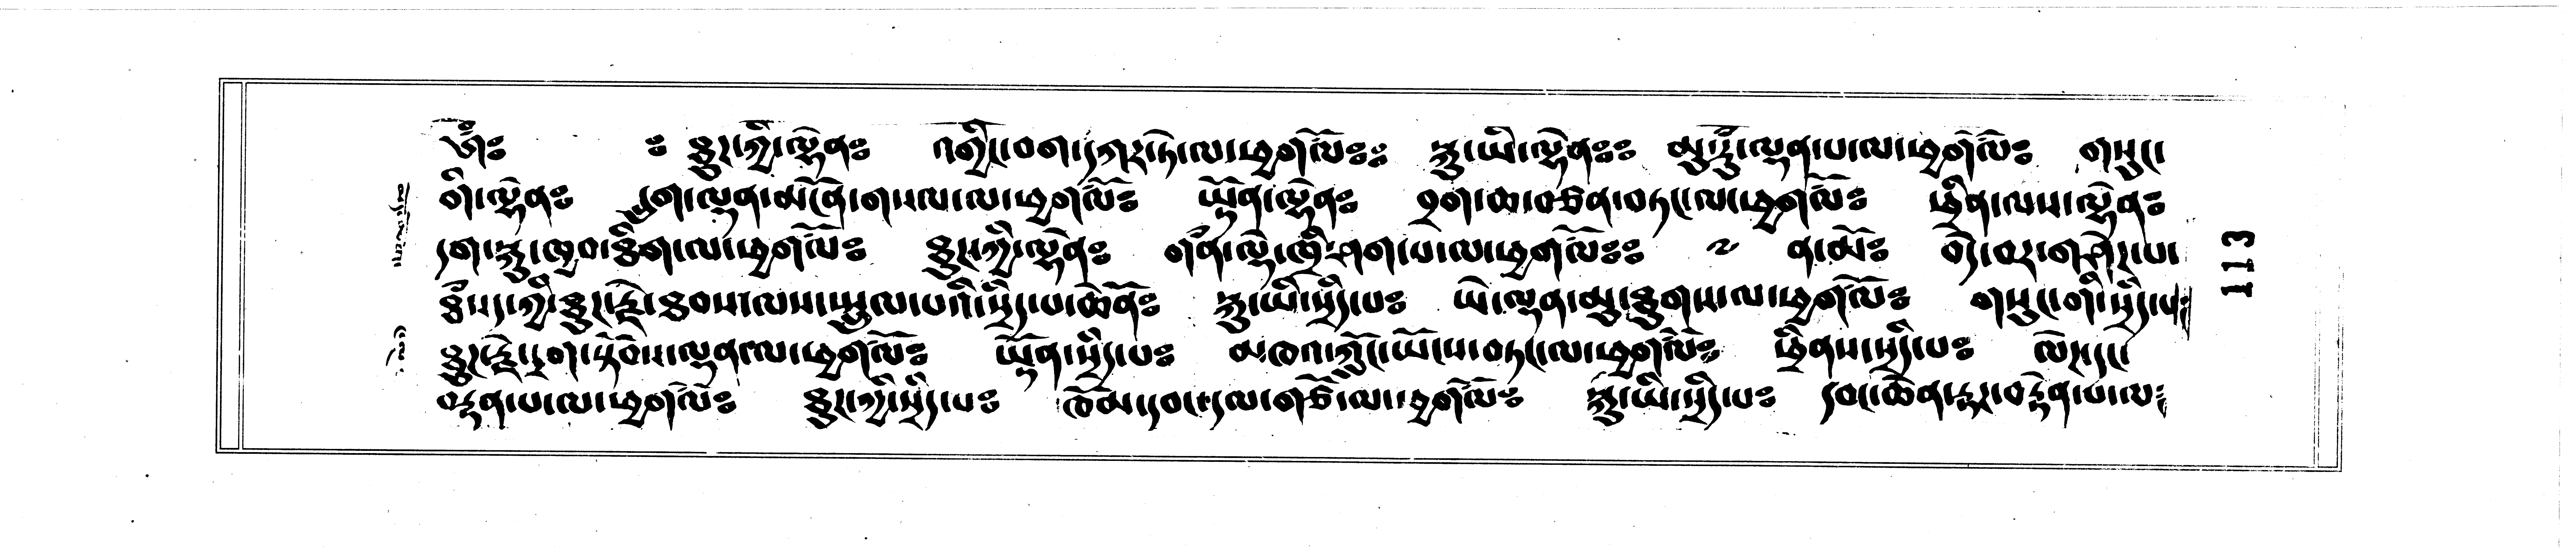ཐུགས་ཀྱི་ལྷ་ཆེནཿ འགྱིང་བག་དཀར་ཏེ་ལ་ཕྱག་འཚལ་ལོཿ སྐུ་ཡི་ལྷ་ཆེནཿ མུ་རུམ་ལྡན་པ་ལ་ཕྱག་འཚལ་ལོཿ གསུང་
གི་ལྷ་ཆེནཿ དྲུག་ལྡན་མངོན་གསལ་ལ་ཕྱག་འཚལ་ལོཿ ཡོན་ཏན་གྱི་ལྷ་ཆེནཿ བྲག་ཆ་བཙན་བཏང་ལ་ཕྱག་འཚལ་ལོཿ ཕྲིན་ལས་ཀྱི་ལྷ་ཆེནཿ
 དག་སྐུ་ཁྱབ་ཐིག་ལ་ཕྱག་འཚལ་ལོཿ ཐུགས་ཀྱི་ལྷ་ཆེནཿ གནམ་སྡེ་ཁྲི་ཤག་པ་ལ་ཕྱག་འཚལ་ལོཿ ན་མོ་བདེ་བར་གཤེགས་པ་
ཐམས་ཅད་ཀྱི་ཐུགས་རྗེ་ཐབས་ལས་སྤྲུལ་པའི་སྲིད་པ་ཆེན་པོཿ སྐུ་ཡི་སྲིད་པཿ ཡེ་ལྡན་མུ་ཐུག་ལ་ཕྱག་འཚལ་ལོཿ གསུང་གི་སྲིད་པཿ 
ཐུགས་རྗེ་དྲག་སྟོབས་ལྡན་ལ་ཕྱག་འཚལ་ལོཿ ཡོན་ཏན་གྱི་སྲིད་པཿ མཁའ་ཀློང་ཡངས་བཏང་ལ་ཕྱག་འཚལ་ལོཿ ཕྲིན་ལས་ཀྱི་སྲིད་པཿ ལེགས་དང་
བརྟེན་པ་ལ་ཕྱག་འཚལ་ལོཿ ཐུགས་ཀྱི་སྲིད་པཿ ཁོམ་དབང་དལ་གཙོ་ལ་ཕྱག་འཚལ་ལོཿ སྐུ་ཡི་སྲིད་པཿ དབང་ཆེན་རྟག་བརྟེན་པ་ལ་ཕྱག་འཚལ་ལོཿ